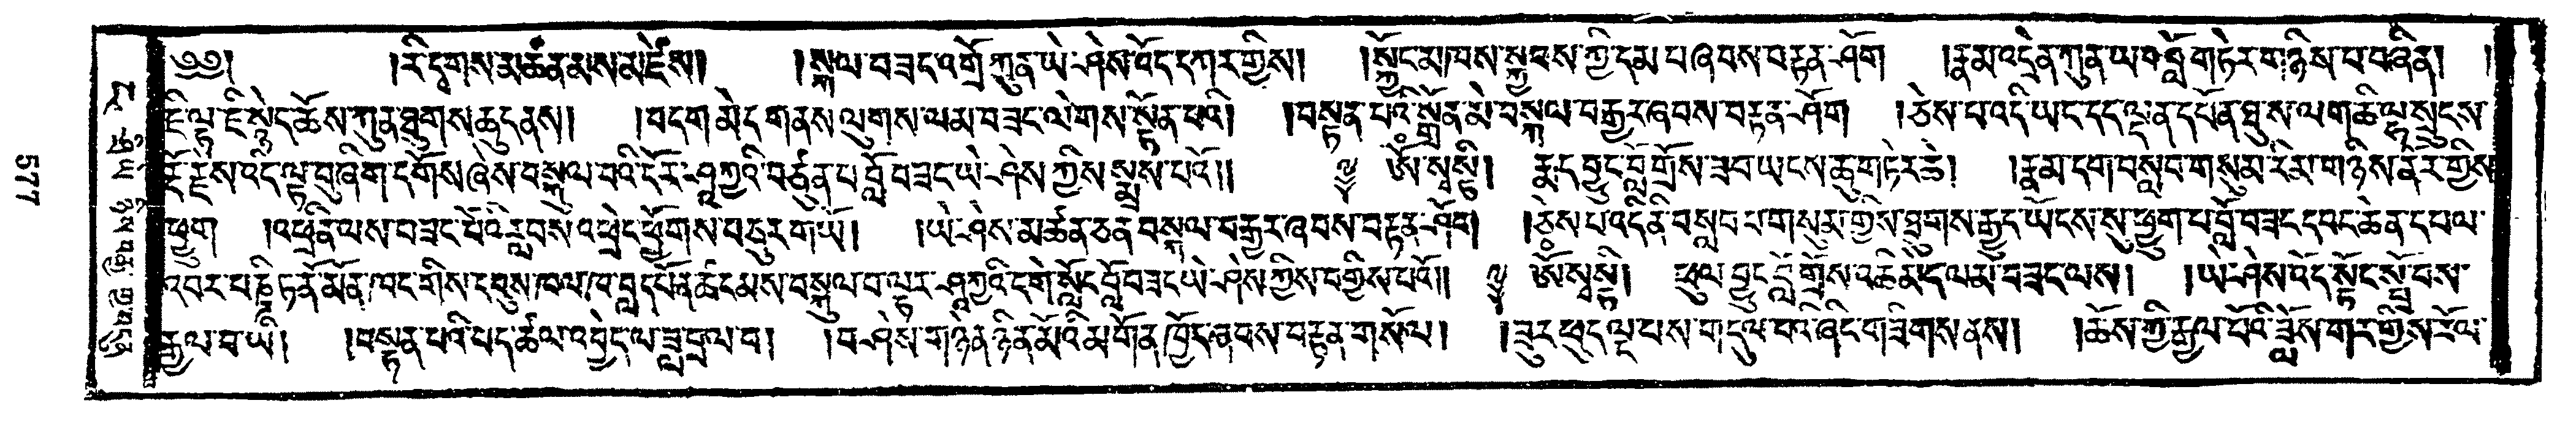༄༅། །རི་དྭགས་མཚན་མས་མཛེས། །སྐལ་བཟང་འགྲོ་ཀུན་ཡེ་ཤེས་འོད་དཀར་གྱིས། །སྐྱོང་མཁས་སྐྱབས་ཀྱི་དམ་པ་ཞབས་བརྟན་ཤོག །རྣམ་འདྲེན་ཀུན་ཡ་བ་བློ་གཏེར་གཉིས་པ་བཞིན། །
ཇི་ལྟ་ཇི་སྙེད་ཆོས་ཀུན་ཐུགས་ཆུད་ནས། །བདག་མེད་གནས་ལུགས་ལམ་བཟང་ལེགས་སྟོན་པའི། །བསྟན་པའི་སྒྲོན་མེ་བསྐལ་བརྒྱར་ཞབས་བརྟན་ཤོག །ཅེས་པ་འདི་ཡང་དང་ལྡན་དཔོན་ཐུ་ས་ལག་ཆི་ལྷ་སྲུངས་
རྡོ་རྗེས་འདི་ལྟ་བུ་ཞིག་དགོས་ཞེས་བསྐུལ་བའི་དོར་ཤཱཀྱའི་བཙུན་པ་བློ་བཟང་ཡེ་ཤེས་ཀྱིས་སྨྲས་པའོ།། ༈ ཨོཾ་སྭསྟི། རྨད་བྱུང་བློ་གྲོས་ཟབ་ཡངས་ཆུ་གཏེར་ཆེ། །རྣམ་དག་བསླབ་གསུམ་རིམ་གཉིས་ནོར་གྱིས་
ཕྱུག །འཕྲིན་ལས་བཟང་པོའི་རླབས་འཕྲེང་ཕྱོགས་བཅུར་གཡོ། །ཡེ་ཤེས་མཚན་ཅན་བསྐལ་བརྒྱར་ཞབས་བརྟན་ཤོག །ཅེས་པ་འདི་ནི་བསླབ་པ་གསུམ་གྱིས་ཐུགས་རྒྱུད་ཡོངས་སུ་ཕྱུག་པ་བློ་བཟང་དབང་ཆེན་དཔལ་
འབར་པཎྜི་ཏ་ནོ་མོན་ཁང་གིས་དབུས་ཁལ་ཁ་བླ་དཔོན་ཚང་མས་བསྐུལ་བ་ལྟར་ཤཱཀྱའི་དགེ་སློང་བློ་བཟང་ཡེ་ཤེས་ཀྱིས་བགྱིས་པའོ།། ༈ ཨོཾ་སྭསྟི། ཕུལ་བྱུང་བློ་གྲོས་འཆི་མེད་ལམ་བཟང་ལས། །ཡེ་ཤེས་འོད་སྟོང་སྤྲོ་བས་
རྒྱལ་བ་ཡི། །བསྟན་པའི་པད་ཚལ་འབྱེད་ལ་ཟླ་བྲལ་བ། །བཤེས་གཉེན་ཉིན་མོའི་མགོན་ཁྱོད་ཞབས་བརྟན་གསོལ། །ཟུར་ཕུད་ལྔ་པས་གདུལ་བའི་ཞིང་གཟིགས་ནས། །ཆོས་ཀྱི་རྒྱལ་པོའི་ཟློས་གར་གྱིས་རོལ་